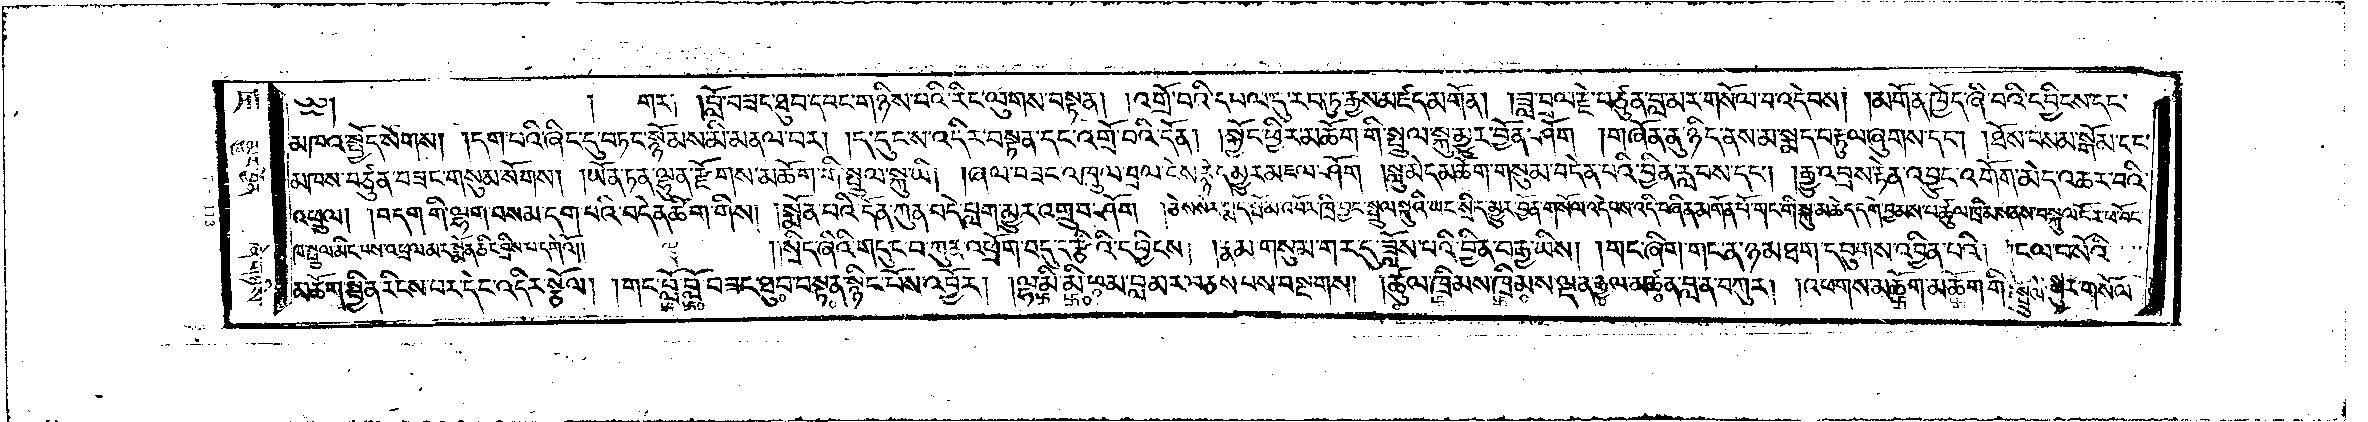༄༅། །གར༑ །བློ་བཟང་ཐུབ་དབང་གཉིས་པའི་རིང་ལུགས་བསྟན། །འགྲོ་བའི་དབལ་དུ་རབ་ཏུ་རྒྱས་མཛད་མགོན། །ཟླ་བྲལ་རྗེ་བཙུན་བླ་མར་གསོལ་བ་འདེབས། །མགོན་ཁྱོད་ཞི་བའི་དབྱིངས་དང་
མཁའ་སྤྱོད་སོགས། །དག་པའི་ཞིང་དུ་བཏང་སྙོམས་མི་མནལ་བར། །ད་དུང་ས་འདིར་བསྟན་དང་འགྲོ་བའི་དོན། །སྐྱོང་ཕྱིར་མཆོག་གི་སྤྲུལ་སྐུ་མྱུར་བྱོན་ཤོག །གཞོན་ནུ་ཉིད་ནས་མ་སྨད་བརྟུལ་ཞུགས་དང་། །ཐོས་བསམ་སྒོམ་དང་
མཁས་བཙུན་བཟང་གསུམ་སོགས། །ཡོན་ཏན་ལྷུན་རྫོགས་མཆོག་གི་སྤྲུལ་སྐུ་ཡི། །ཞལ་བཟང་འཁྲུལ་བྲལ་ངེས་རྙེད་མྱུར་མཇལ་ཤོག །སླུ་མེད་མཆོག་གསུམ་བདེན་པའི་བྱིན་རླབས་དང་། །རྒྱུ་འབྲས་རྟེན་འབྱུང་འགོག་མེད་འཆར་བའི་
འཕྲུལ། །བདག་གི་ལྷག་བསམ་དག་པའི་བདེན་ཚིག་གིས། །སྨོན་པའི་དོན་ཀུན་བདེ་བླག་མྱུར་འགྲུབ་ཤོག །ཅེས་སེར་སྨད་སྤོམ་འབོར་ཁྲི་བྱང་སྤྲུལ་སྐུའི་ཡང་སྲིད་མྱུར་བྱོན་གསོལ་འདེབས་འདི་བཞིན་མགོན་པོ་གང་གི་སྐུ་མཆེད་དགེ་བྱམས་པ་ཚུལ་ཁྲིམས་ནས་བསྐུལ་ངོར་ཕ་བོང་
ཁ་སྤྲུལ་མིང་པས་འཕྲལ་མར་སྨོན་ཅིང་བྲིས་པ་དགེའོ།། ༈ །།སྲིད་ཞིའི་གདུང་བ་ཀུན་འཕྲོག་བདུད་རྩིའི་དབྱིངས། །རྣམ་གསུམ་གར་དུ་ཟློས་པའི་བྱིན་བརྒྱ་ཡིས། །གང་ཞིག་གང་ན་ཉམ་ཐག་དབུགས་འབྱིན་པའི། །ངལ་བསོའི་
མཆོག་སྦྱིན་རིངས་པར་དེང་འདིར་སྩོལ། །གང་བློ་བློ་བཟང་ཐུབ྾་བསྟན྾་སྙིང་པོས་འབྱོར། །ལྷ་མི་མི་ཡམ྾་བླ་མར་བཅས་པས་བསྔགས། །ཚུལ་ཁྲིམས་ཁྲིམས྾་ལྡན་རྒྱལ྾་མཚན྾་བླ་ན་བཀུར། །འཕགས་མཆོག་མཆོག་གི་སྤྲུལ་སྐུར་གསོལ་